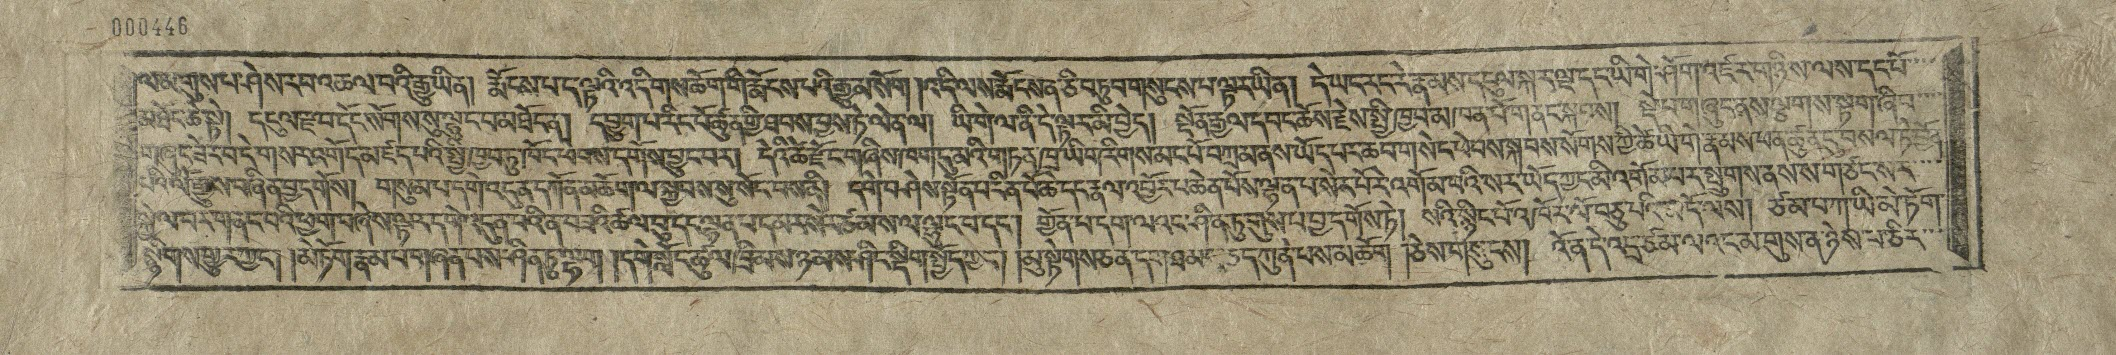ལ་མ་གུས་པ་ཤེས་རབ་འཆལ་བའི་རྒྱུ་ཡིན། རྨོངས་པ་ད་ལྟའི་འདི་གས་ཆོག་གི་རྨོངས་པའི་རྒྱུ་མ་སོག །འདི་ལས་རྨོངས་ན་ཅི་བཏུབ་གསུངས་པ་ལྟར་ཡིན། དེ་ཡང་རང་རེ་རྣམས་དངུལ་སྐར་ལྔ་དང་ཡི་གེ་ཤོག་འཛར་གཉིས་ལས་དང་པོ་
མཐོང་ཆེ་སྟེ། དངུལ་རྫབ་དོང་སོགས་སུ་ལྷུང་བ་མཐོང་ན། དབྱུག་པ་རིང་པོ་ཚུན་གྱི་ཐབས་བྱས་ཏེ་ལེན་ལ། ཡི་གེ་ལ་ནི་དེ་ལྟར་མི་བྱེད། སྔོན་རྒྱལ་དབང་ཆོས་རྗེས་སྤྱི་ཁྱབ་མཁན་པོ་གནང་སྐབས། སྡེ་པ་གཞུང་ནས་ལྕགས་སྟག་ཞིབ་
གཞུང་ཟེར་བ་དེ་གསར་འགོད་མཛད་པའི་སྤྱི་ཁྱབ་ཏུ་ཁོང་ཕེབས་དགོས་བྱུང་བར། དེའི་ཚེ་རྫོང་གཞིས་ཁག་དུ་མའི་གཏན་ཁྲ་ཡིག་རིགས་མང་པོ་བཀྲམ་ནས་ཡོད་པར་ཆབ་གསེང་ཕེབས་སྐབས་སོགས་ཀྱི་ཚེ་ཡི་གེ་རྣམས་ཕན་ཚུན་དུ་བསལ་ཏེ་བྱོན་
པའི་ལོ་རྒྱུས་བཞིན་བྱ་དགོས། གསུམ་པ་དགེ་འདུན་དཀོན་མཆོག་ལ་སྐྱབས་སུ་སོང་བས་ནི། དགེ་བཤེས་སྟོན་པ་རིན་པོ་ཆེ་དང་རྣལ་འབྱོར་པ་ཆེན་པོས་ལྷན་པ་སེར་པོ་རེ་འགོམ་པའི་སར་ཡོད་ཀྱང་མི་འགོམ་པར་སྤྲུགས་ནས་ས་གཙང་སར་
སྐྱེལ་བར་གནང་བའི་ཕྱག་བཞེས་ལྟར་དགེ་འདུན་པའི་ན་བཟའི་ཚལ་བུ་དང་ལྷན་པ་དམར་སེར་ཙམ་ས་ལ་ལྷུང་བ་དང་། གྱོན་པ་དག་ལའང་ཤིན་ཏུ་གུས་པ་བྱ་དགོས་ཏེ། སའི་སྙིང་པོ་འཁོར་ལོ་བཅུ་པའི་མདོ་ལས། ཙམ་པ་ཀ་ཡི་མེ་ཏོག་
སྙིགས་གྱུར་ཀྱང་། །མེ་ཏོག་རྣམ་པ་གཞན་པས་ཤིན་ཏུ་ལྷག །དགེ་སློང་ཚུལ་ཁྲིམས་ཉམས་ཤིང་སྡིག་སྤྱོད་ཀྱང་། །མུ་སྟེགས་ཅན་དག་ཐམས་ཅད་ཀུན་པས་མཆོག །ཅེས་གསུངས། འོ་ན་དེ་འདྲ་ཙམ་ལའང་མ་གུས་ན་ཉེས་པ་ཅིར་